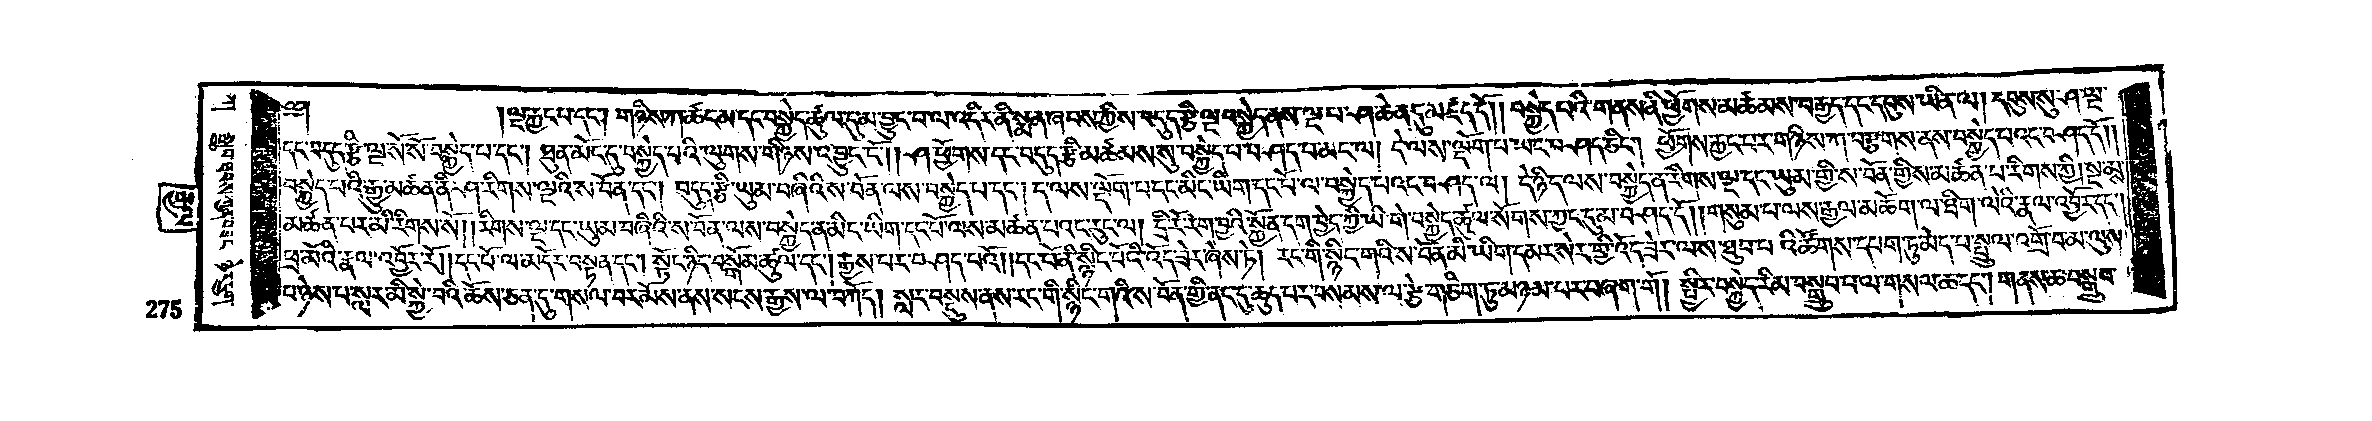༄༅། །ལྔ་རྐྱང་པ་དང་། གཉིས་ཀ་ཚང་མ་དང་བསྐྱེད་ཚུལ་དུ་མ་བྱུང་བ་ལ་འདིར་ནི་སྨན་ཞབས་ཀྱིས་བདུད་རྩི་ལྔ་བསྐྱེད་ནས་ལྔ་པ་ཤ་ཆེན་དུ་མཛད་དོ། །བསྐྱེད་པའི་གནས་ནི་ཕྱོགས་མཚམས་བརྒྱད་དང་དབུས་ཡིན་ལ། དབུས་སུ་ཤ་ལྔ་
དང་བདུད་རྩི་ལྔ་སོ་སོ་བསྐྱེད་པ་དང་། ཐུན་མོང་དུ་བསྐྱེད་པའི་ལུགས་གཉིས་འབྱུང་ངོ། །ཤ་ཕྱོགས་དང་བདུད་རྩི་མཚམས་སུ་བསྐྱེད་པ་བཤད་པ་མང་ལ། དེ་ལས་ལྡོག་པ་ཡང་བཤད་ཅིང་། ཕྱོགས་རྐྱང་བར་གཉིས་ཀ་བརྩགས་ནས་བསྐྱེད་པའང་བཤད་དོ། །
བསྐྱེད་པའི་རྒྱུ་མཚན་ནི་ཤ་རིགས་ལྔའི་ས་བོན་དང་། བདུད་རྩི་ཡུམ་བཞིའི་ས་བོན་ལས་བསྐྱེད་པ་དང་། ད་ལས་ལྡོག་པ་དང་མིང་ཡིག་དང་པོ་ལ་བསྐྱེད་པའང་བཤད་ལ། དེ་ཉིད་ལས་བསྐྱེད་ན་རིགས་ལྔ་དང་ཡུམ་གྱི་ས་བོན་གྱིས་མཚན་པ་རིགས་ཀྱི། སྔ་མས་
མཚན་པར་མི་རིགས་སོ། །རིགས་ལྔ་དང་ཡུམ་བཞིའི་ས་བོན་ལས་བསྐྱེད་ན་མིང་ཡིག་དང་པོ་ལས་མཚན་པའང་རུང་ལ། དྲི་རོ་རེག་བྱའི་སྐྱོན་དག་བྱེད་ཀྱི་ཡི་གེ་བསྐྱེད་ཚུལ་སོགས་ཀྱང་དུ་མ་བཤད་དོ། །གསུམ་པ་ལས་རྒྱལ་མཆོག་ལ་ཐིག་ལེའི་རྣལ་འབྱོར་དང་།
ཕྲ་མོའི་རྣལ་འབྱོར་རོ། །དང་པོ་ལ་མདོར་བསྟན་དང་། སྟོང་ཉིད་བསྒོམ་ཚུལ་དང་། རྒྱས་པར་བཤད་པའོ། །དང་པོ་ནི་སྙིང་པོའི་འོད་ཟེར་ཞེས་ཏེ། རང་གི་སྙིང་གའི་ས་བོན་མི་ཡིག་དམར་སེར་གྱི་འོད་ཟེར་ལས་ཐུབ་པའི་ཚོགས་དཔག་ཏུ་མེད་པ་སྤྲུལ་འགྲོ་བ་མ་ལུས་
པ་ཉེས་པ་སླར་མི་སྐྱེ་བའི་ཆོས་ཅན་དུ་གསལ་བར་མོས་ནས་སངས་རྒྱས་ལ་བཀོད། སླར་བསྡུས་ནས་རང་གི་སྙིང་གའི་ས་བོན་གྱི་ནང་དུ་ཆུད་པར་བསམས་ལ་རྩེ་གཅིག་ཏུ་མཉམ་པར་བཞག་གོ། སྤྱིར་བསྐྱེད་རིམ་བསྒྲུབ་པ་ལ་གསལ་ཆ་དང་། གནས་ཆ་བསྒྲུབ་